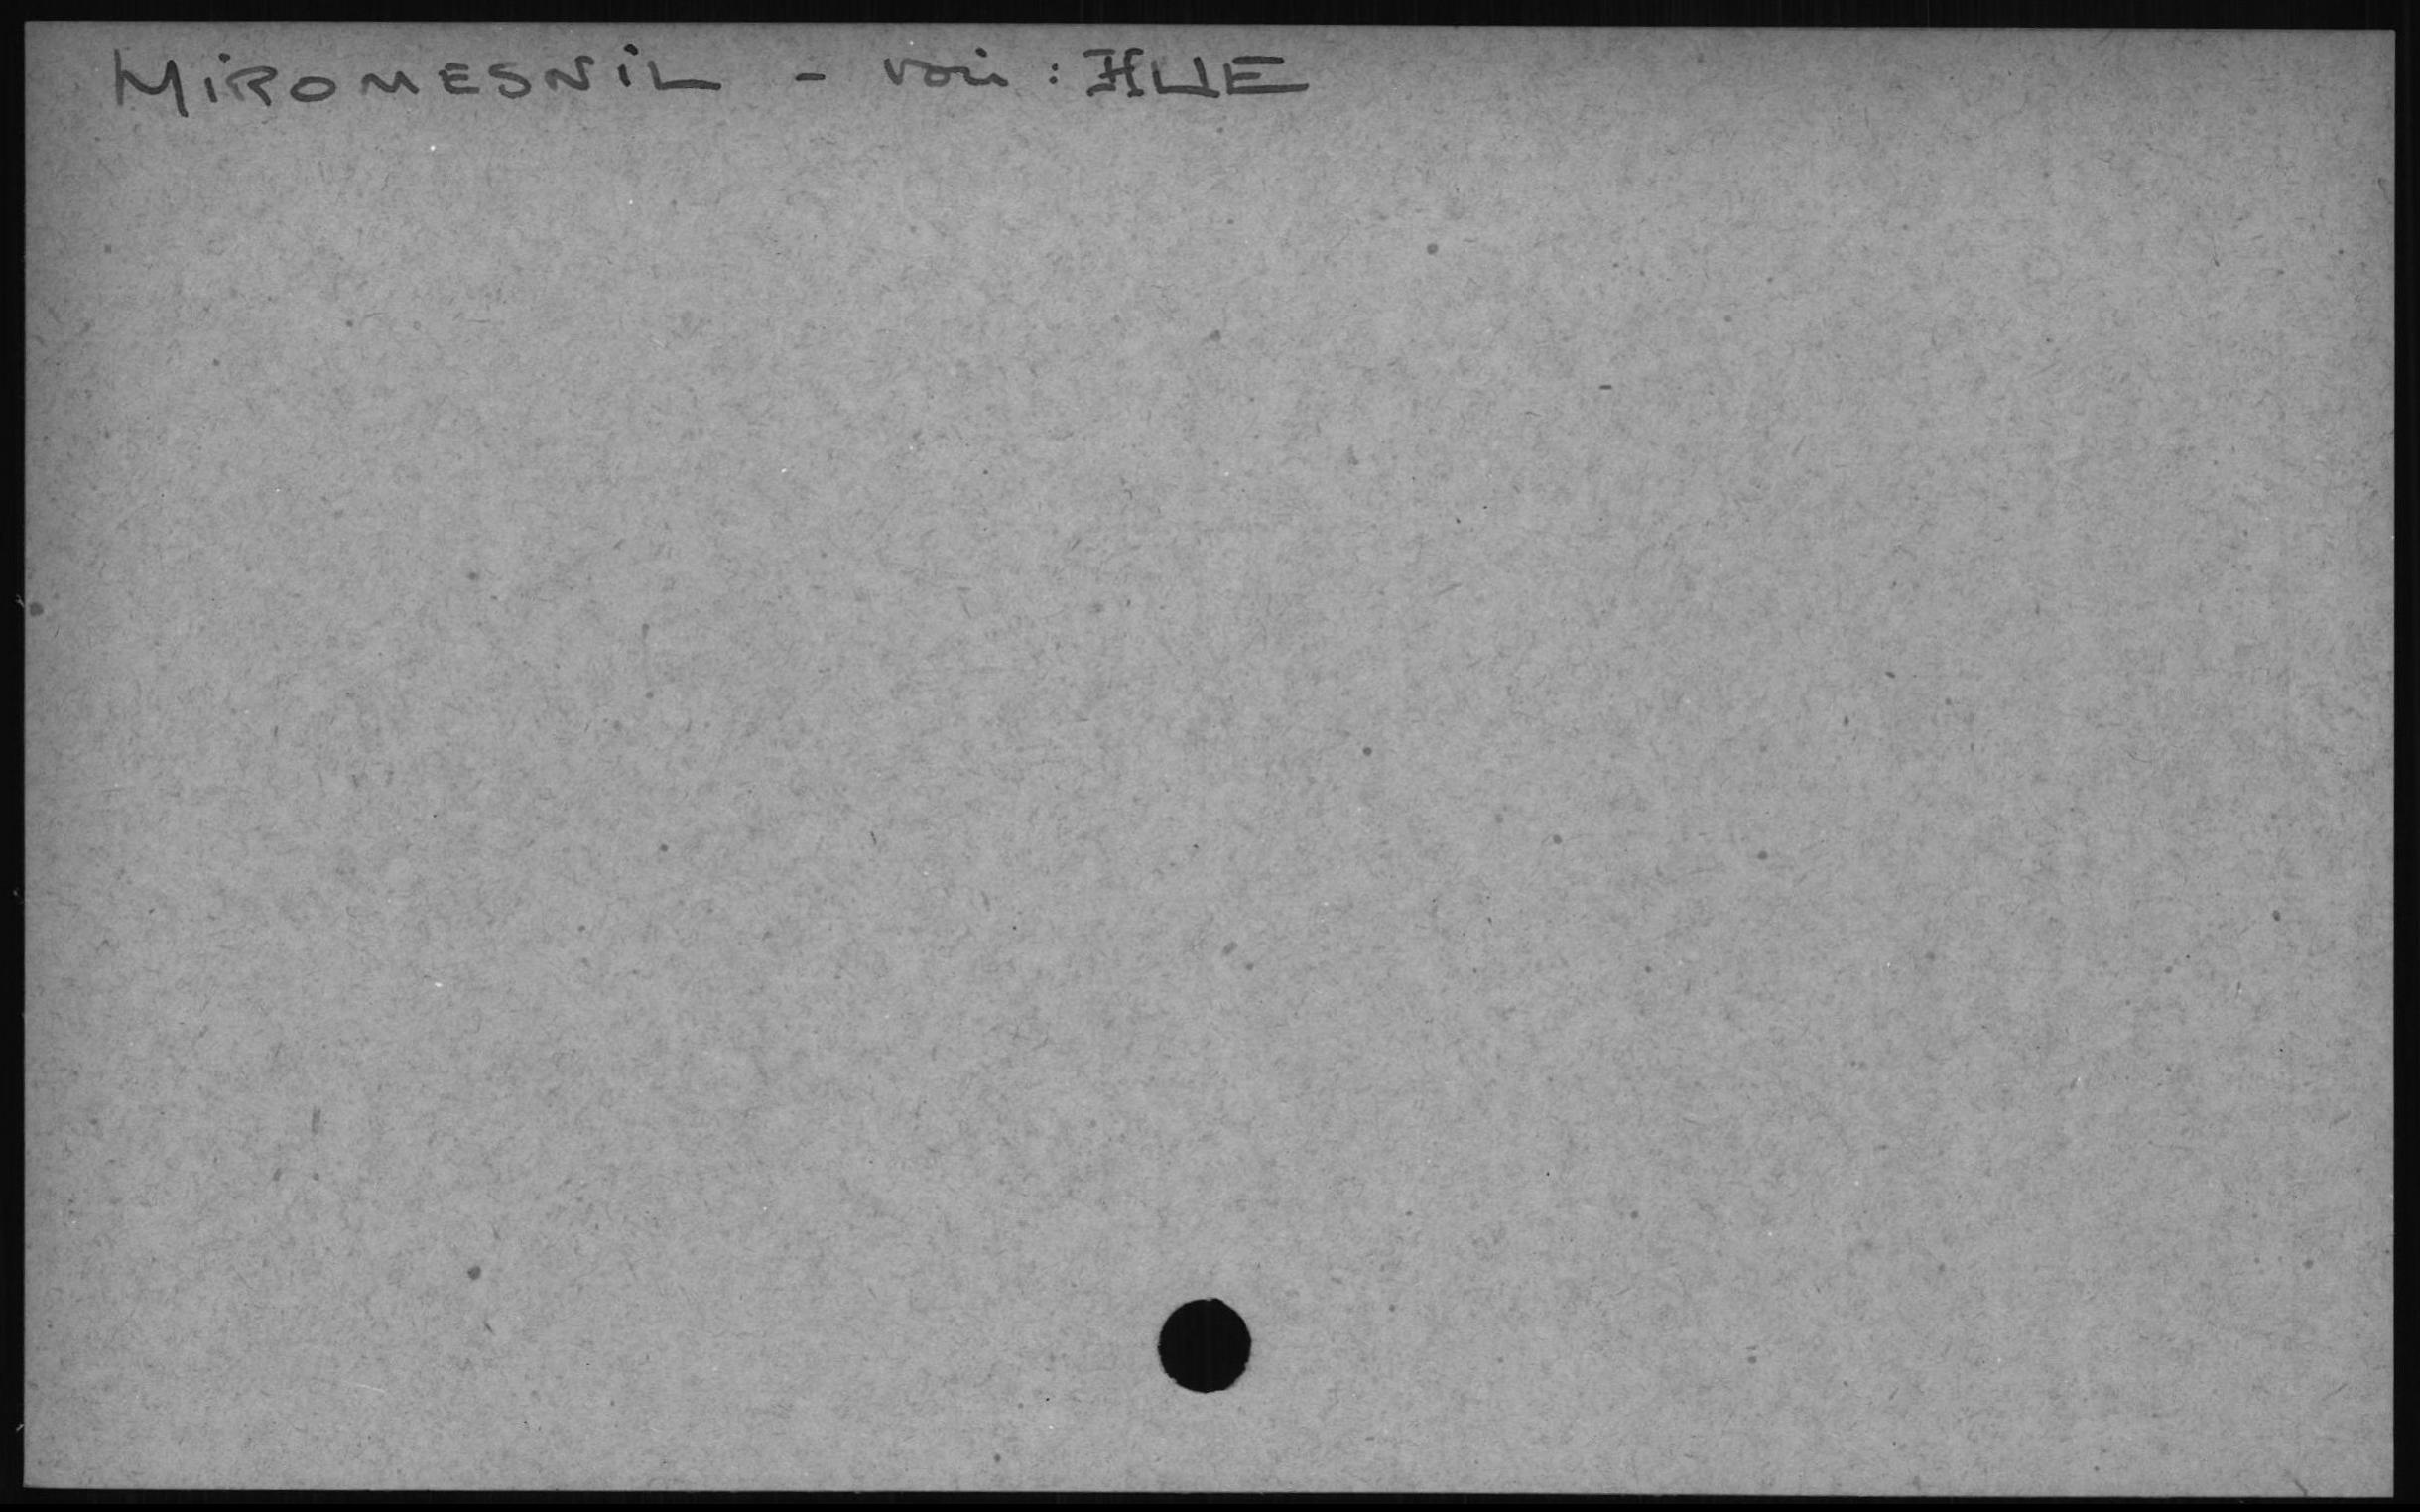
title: MIROMESNIL - voir : HUE
